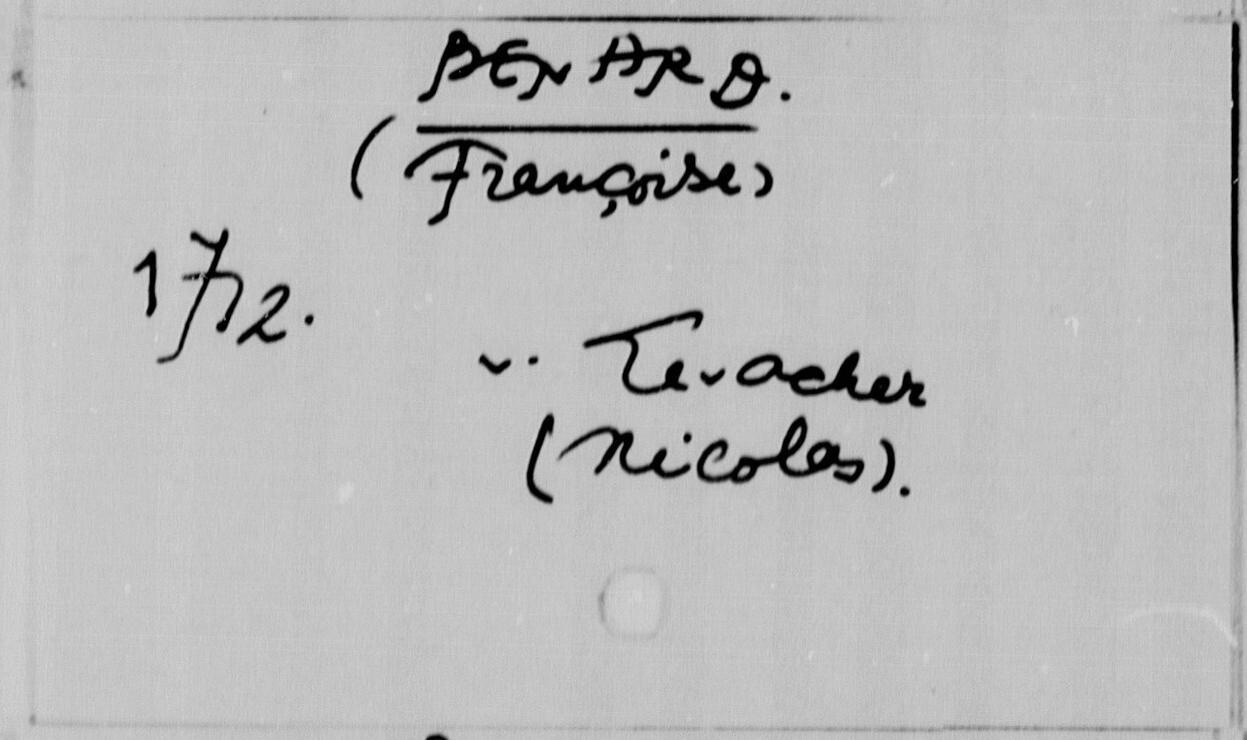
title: BENARD (Françoise)
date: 1712
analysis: Voir Levacher (Nicolas)
